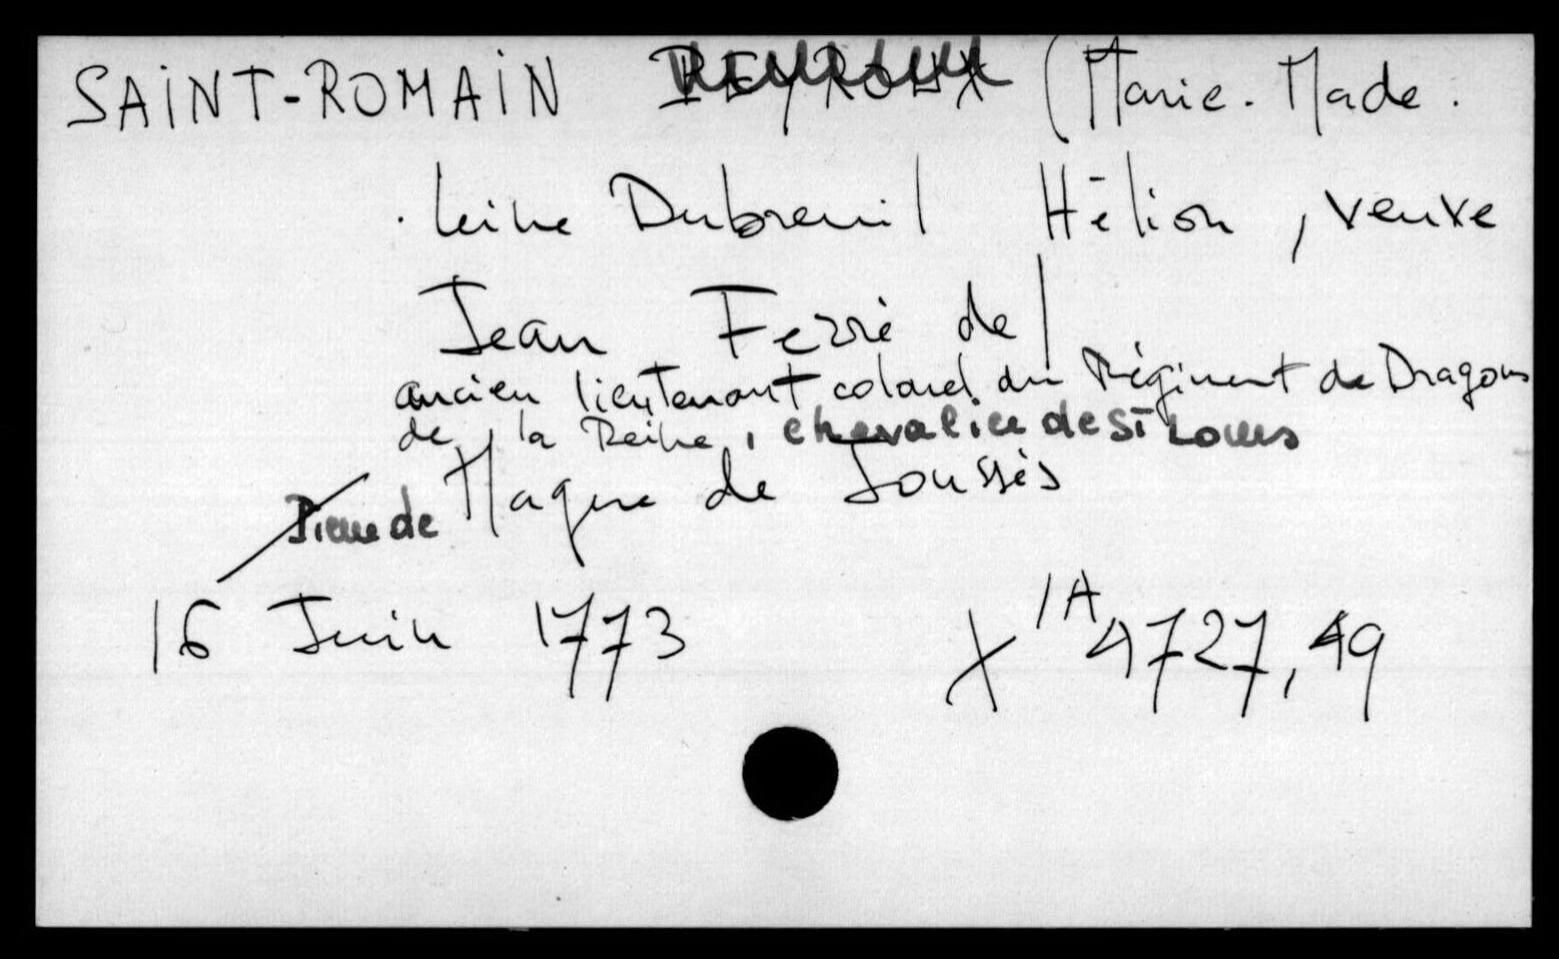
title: SAINT-ROMAIN (Marie-Madeleine Dubreuil Hélion, veuve Jean Ferré de) ancien lieutenant colonel du régiment de Dragons de la reine, chevalier de Saint Louis
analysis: Contre Pierre de Magire de Joussès
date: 16 juin 1773
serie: X1A
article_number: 4727
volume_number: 49
